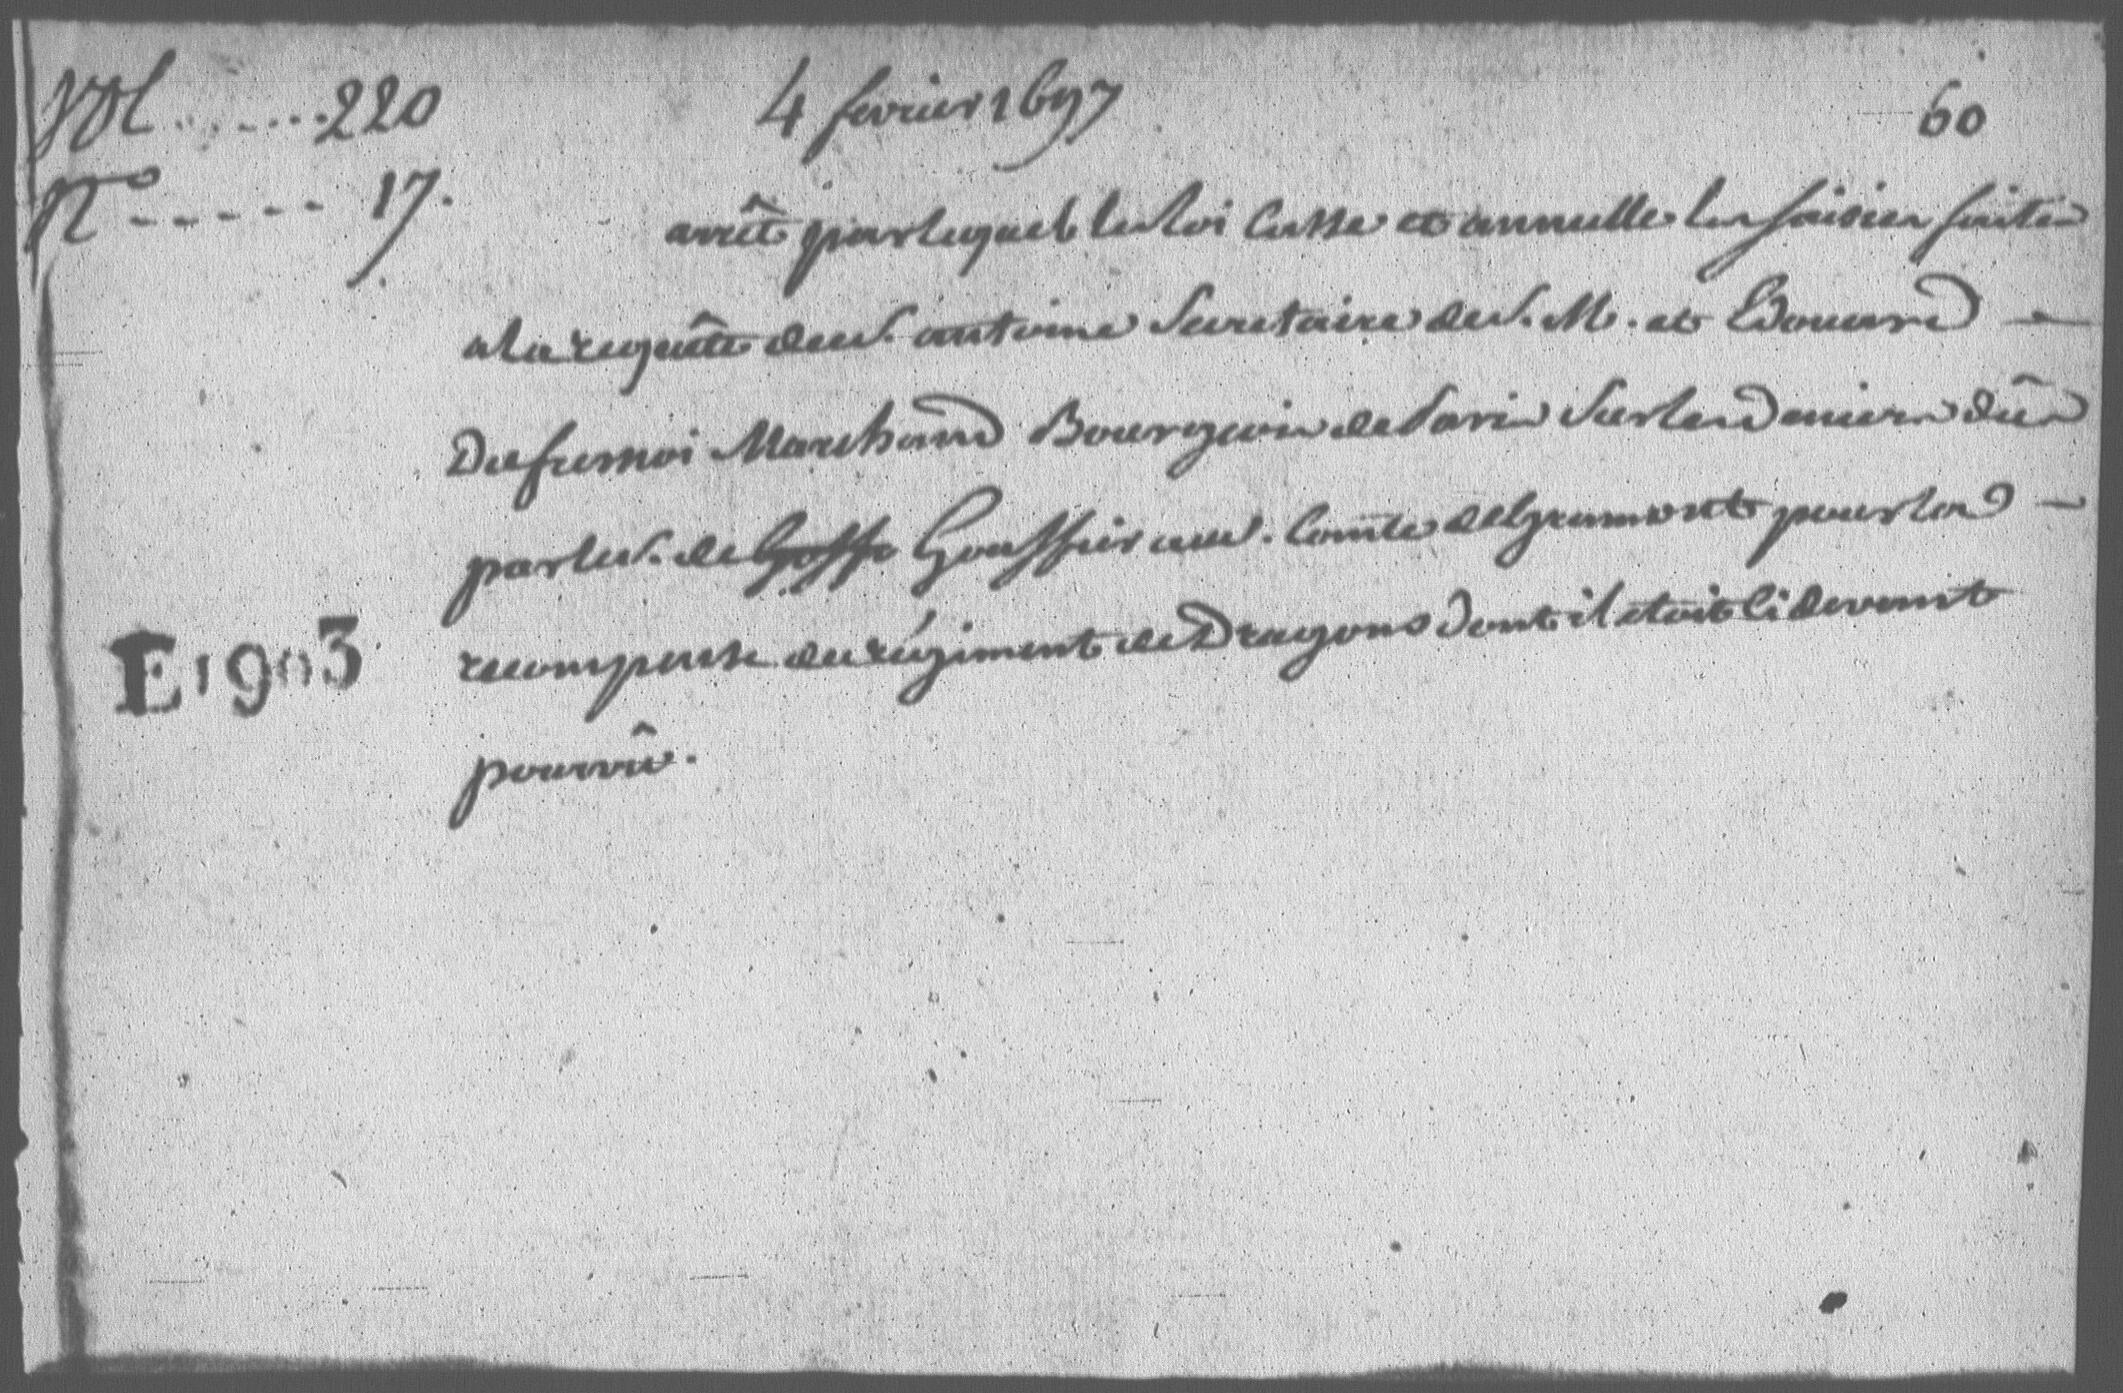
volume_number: n°17
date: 4 février 1697
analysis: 60
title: arrêt par lequel le Roi casse et annulle les saisies faites a la requête du S. antoine Secretaire de S. M. et Edouard Dufresnoi Marchand Bourgeois de Paris sur les deniers dus par le S. de [Goffe mot rayé] Gouffier auS. Comte de Gramont pour la recompense du régiment de Dragons dont il etoit cidevant pourvu.
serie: E
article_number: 1903
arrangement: vol. 220
